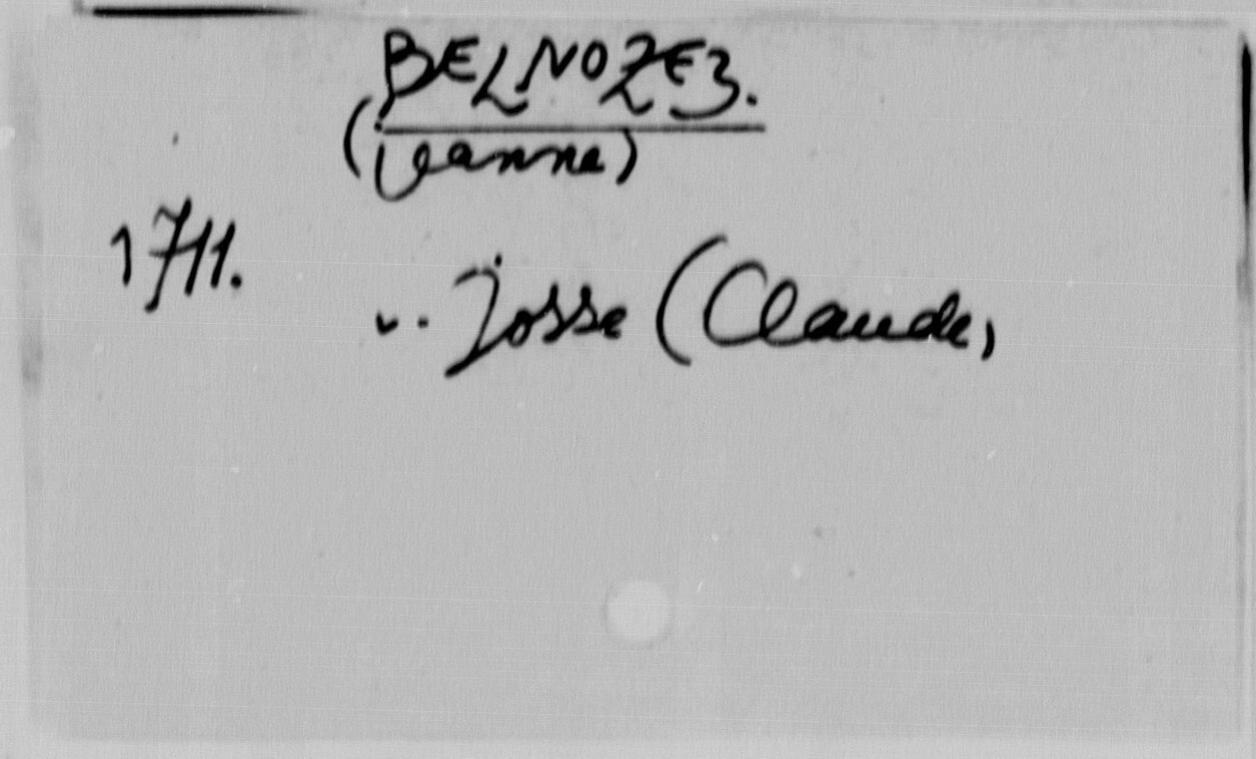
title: BELNOZEZ (Jeanne)
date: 1711
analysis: Voir JOSSE (Claude)
